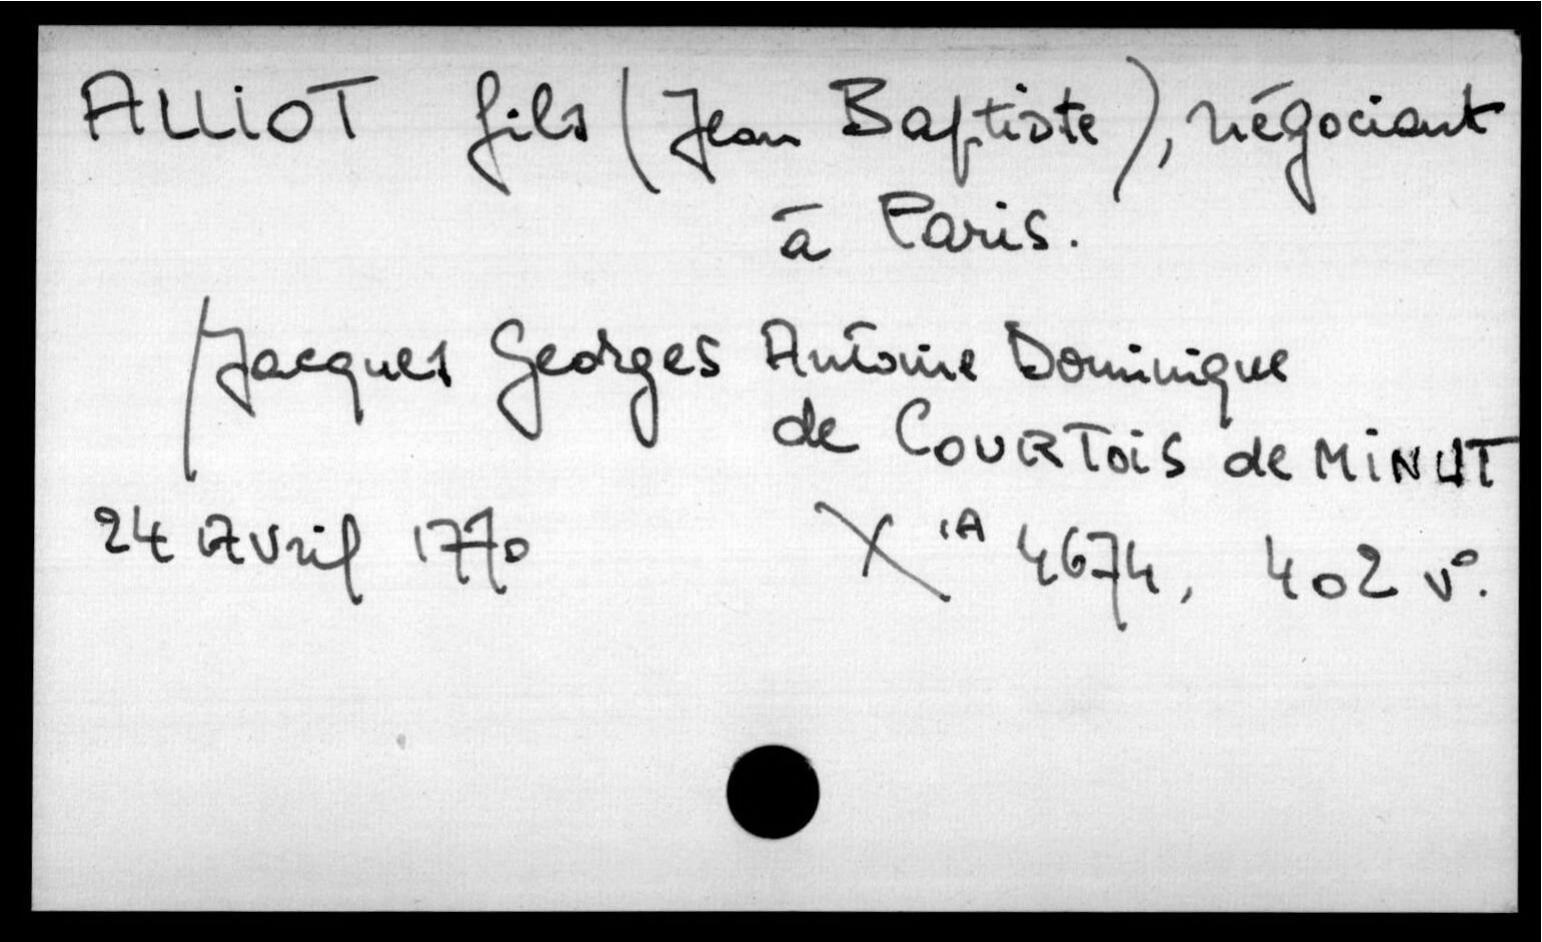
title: ALLIOT (Jean Baptiste), négociant à Paris.
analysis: Contre Jacques Georges Antoine Dominique de COURTOIS de MINUT
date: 24 avril 1770
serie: X1A
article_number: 4674
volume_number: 402v
